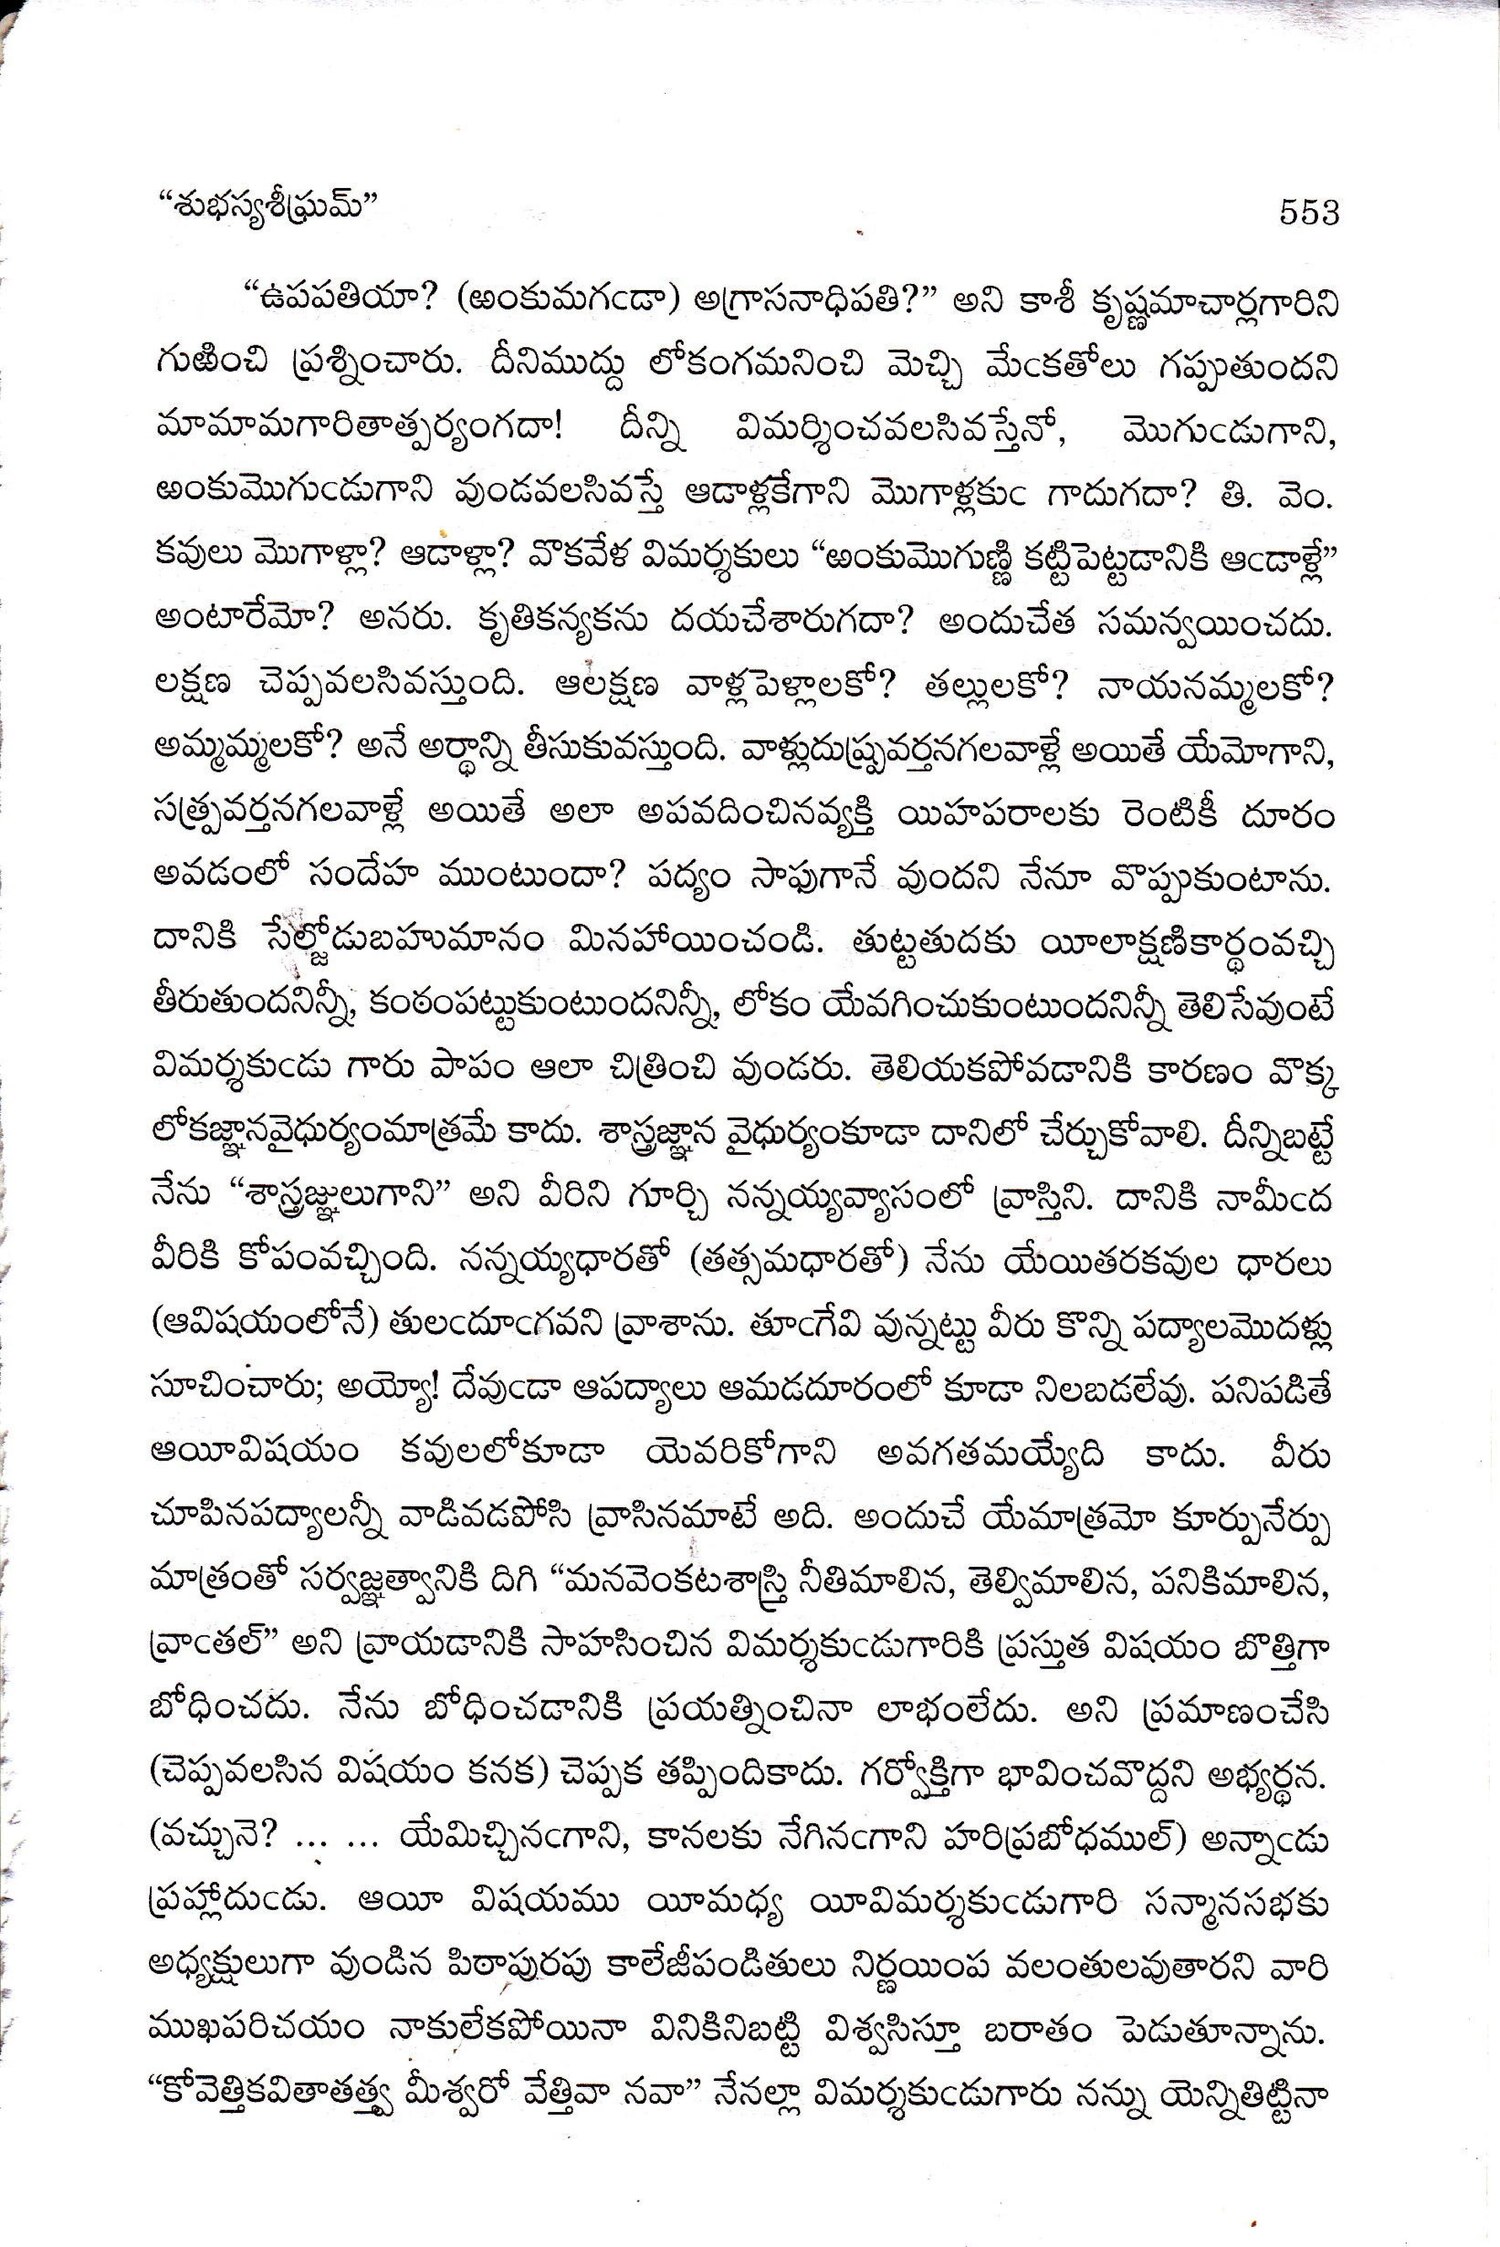“ఉపపతియా? (ఱంకుమగఁడా) అగ్రాసనాధిపతి?” అని కాశీ కృష్ణమాచార్లగారిని గుఱించి ప్రశ్నించారు. దీనిముద్దు లోకంగమనించి మెచ్చి మేఁకతోలు గప్పుతుందని మామామగారితాత్పర్యంగదా! దీన్ని విమర్శించవలసివస్తేనో, మొుగుఁడుగాని, ఱంకుమొగుఁడుగాని వుండవలసివస్తే ఆడాళ్లకేగాని మొగాళ్లకుఁ గాదుగదా? తి. వెం. కవులు మొగాళ్లా? ఆడాళ్లా? వొకవేళ విమర్శకులు "ఱంకుమొగుణ్ణి కట్టిపెట్టడానికి ఆఁడాళ్లే అంటారేమో? అనరు. కృతికన్యకను దయచేశారుగదా? అందుచేత సమన్వయించదు. లక్షణ చెప్పవలసివస్తుంది. ఆలక్షణ వాళ్లపెళ్లాలకో? తల్లులకో? నాయనమ్మలకో? అమ్మమ్మలకో? అనే అర్ధాన్ని తీసుకువస్తుంది. వాళ్లుదుష్ప్రవర్తనగలవాళ్లే అయితే యేమోగాని, సత్ర్పవర్తనగలవాళ్లే అయితే అలా అపవదించినవ్యక్తి యిహపరాలకు రెంటికీ దూరం అవడంలో సందేహ ముంటుందా? పద్యం సాపుగానే వుందని నేనూ వొప్పుకుంటాను. దానికి సేల్జోడుబహుమానం మినహాయించండి. తుట్టతుదకు యీలాక్షణికార్థంవచ్చి తీరుతుందనిన్నీ కంఠంపట్టుకుంటుందనిన్నీ లోకం యేవగించుకుంటుందనిన్నీ తెలిసేవంటే విమర్శకుఁడు గారు పాపం ఆలా చిత్రించి వుండరు. తెలియకపోవడానికి కారణం వొక్క లోకజ్ఞానవైధుర్యంమాత్రమే కాదు. శాస్త్రజ్ఞాన వైధుర్యంకూడా దానిలో చేర్చుకోవాలి. దీన్నిబట్టే నేను "శాస్త్రజ్ఞులుగాని" అని వీరిని గూర్చి నన్నయ్యవ్యాసంలో వ్రాస్తిని. దానికి నామీఁద వీరికి కోపంవచ్చింది. నన్నయ్యధారతో (తత్సమధారతో) నేను యేయితరకవుల ధారలు (ఆవిషయంలోనే) తులఁదూఁగవని వ్రాశాను. తూఁగేవి వున్నట్లు వీరు కొన్ని పద్యాలమొదళ్లు సూచించారు; అయ్యో! దేవుఁడా ఆపద్యాలు ఆమడదూరంలో కూడా నిలబడలేవు. పనిపడితే ఆయీవిషయం కవులలోకూడా యెవరికోగాని అవగతమయ్యేది కాదు. వీరు చూపినపద్యాలన్నీ వాడివడపోసి వ్రాసినమాటే అది. అందుచే యేమాత్రమో కూర్పునేర్పు మాత్రంతో సర్వజ్ఞత్వానికి దిగి "మనవెంకటశాస్త్రి నీతిమాలిన, తెల్విమాలిన, పనికిమాలిన, వ్రాఁతల్" అని వ్రాయడానికి సాహసించిన విమర్శకుఁడుగారికి ప్రస్తుత విషయం బొత్తిగా బోధించదు. నేను బోధించడానికి ప్రయత్నించినా లాభంలేదు. అని ప్రమాణంచేసి (చెప్పవలసిన విషయం కనక) చెప్పక తప్పిందికాదు. గర్వోక్తిగా భావించవొద్దని అభ్యర్థన. (వచ్చునె? . . యేమిచ్చినఁగాని, కానలకు నేగినఁగాని హరిప్రబోధముల్) అన్నాఁడు ప్రహ్లాదుఁడు. ఆయీ విషయము యీమధ్య యీవిమర్శకుఁడుగారి సన్మానసభకు అధ్యక్షులుగా వుండిన పిఠాపురపు కాలేజీపండితులు నిర్ణయింప వలంతులవుతారని వారి ముఖపరిచయం నాకులేకపోయినా వినికినిబట్టి విశ్వసిస్తూ బరాతం పెడుతూన్నాను. “కోవెత్తికవితాతత్త్వ మీశ్వరో వేత్తివా నవా? నేనల్లా విమర్శకుఁడుగారు నన్ను యెన్నితిట్టినా